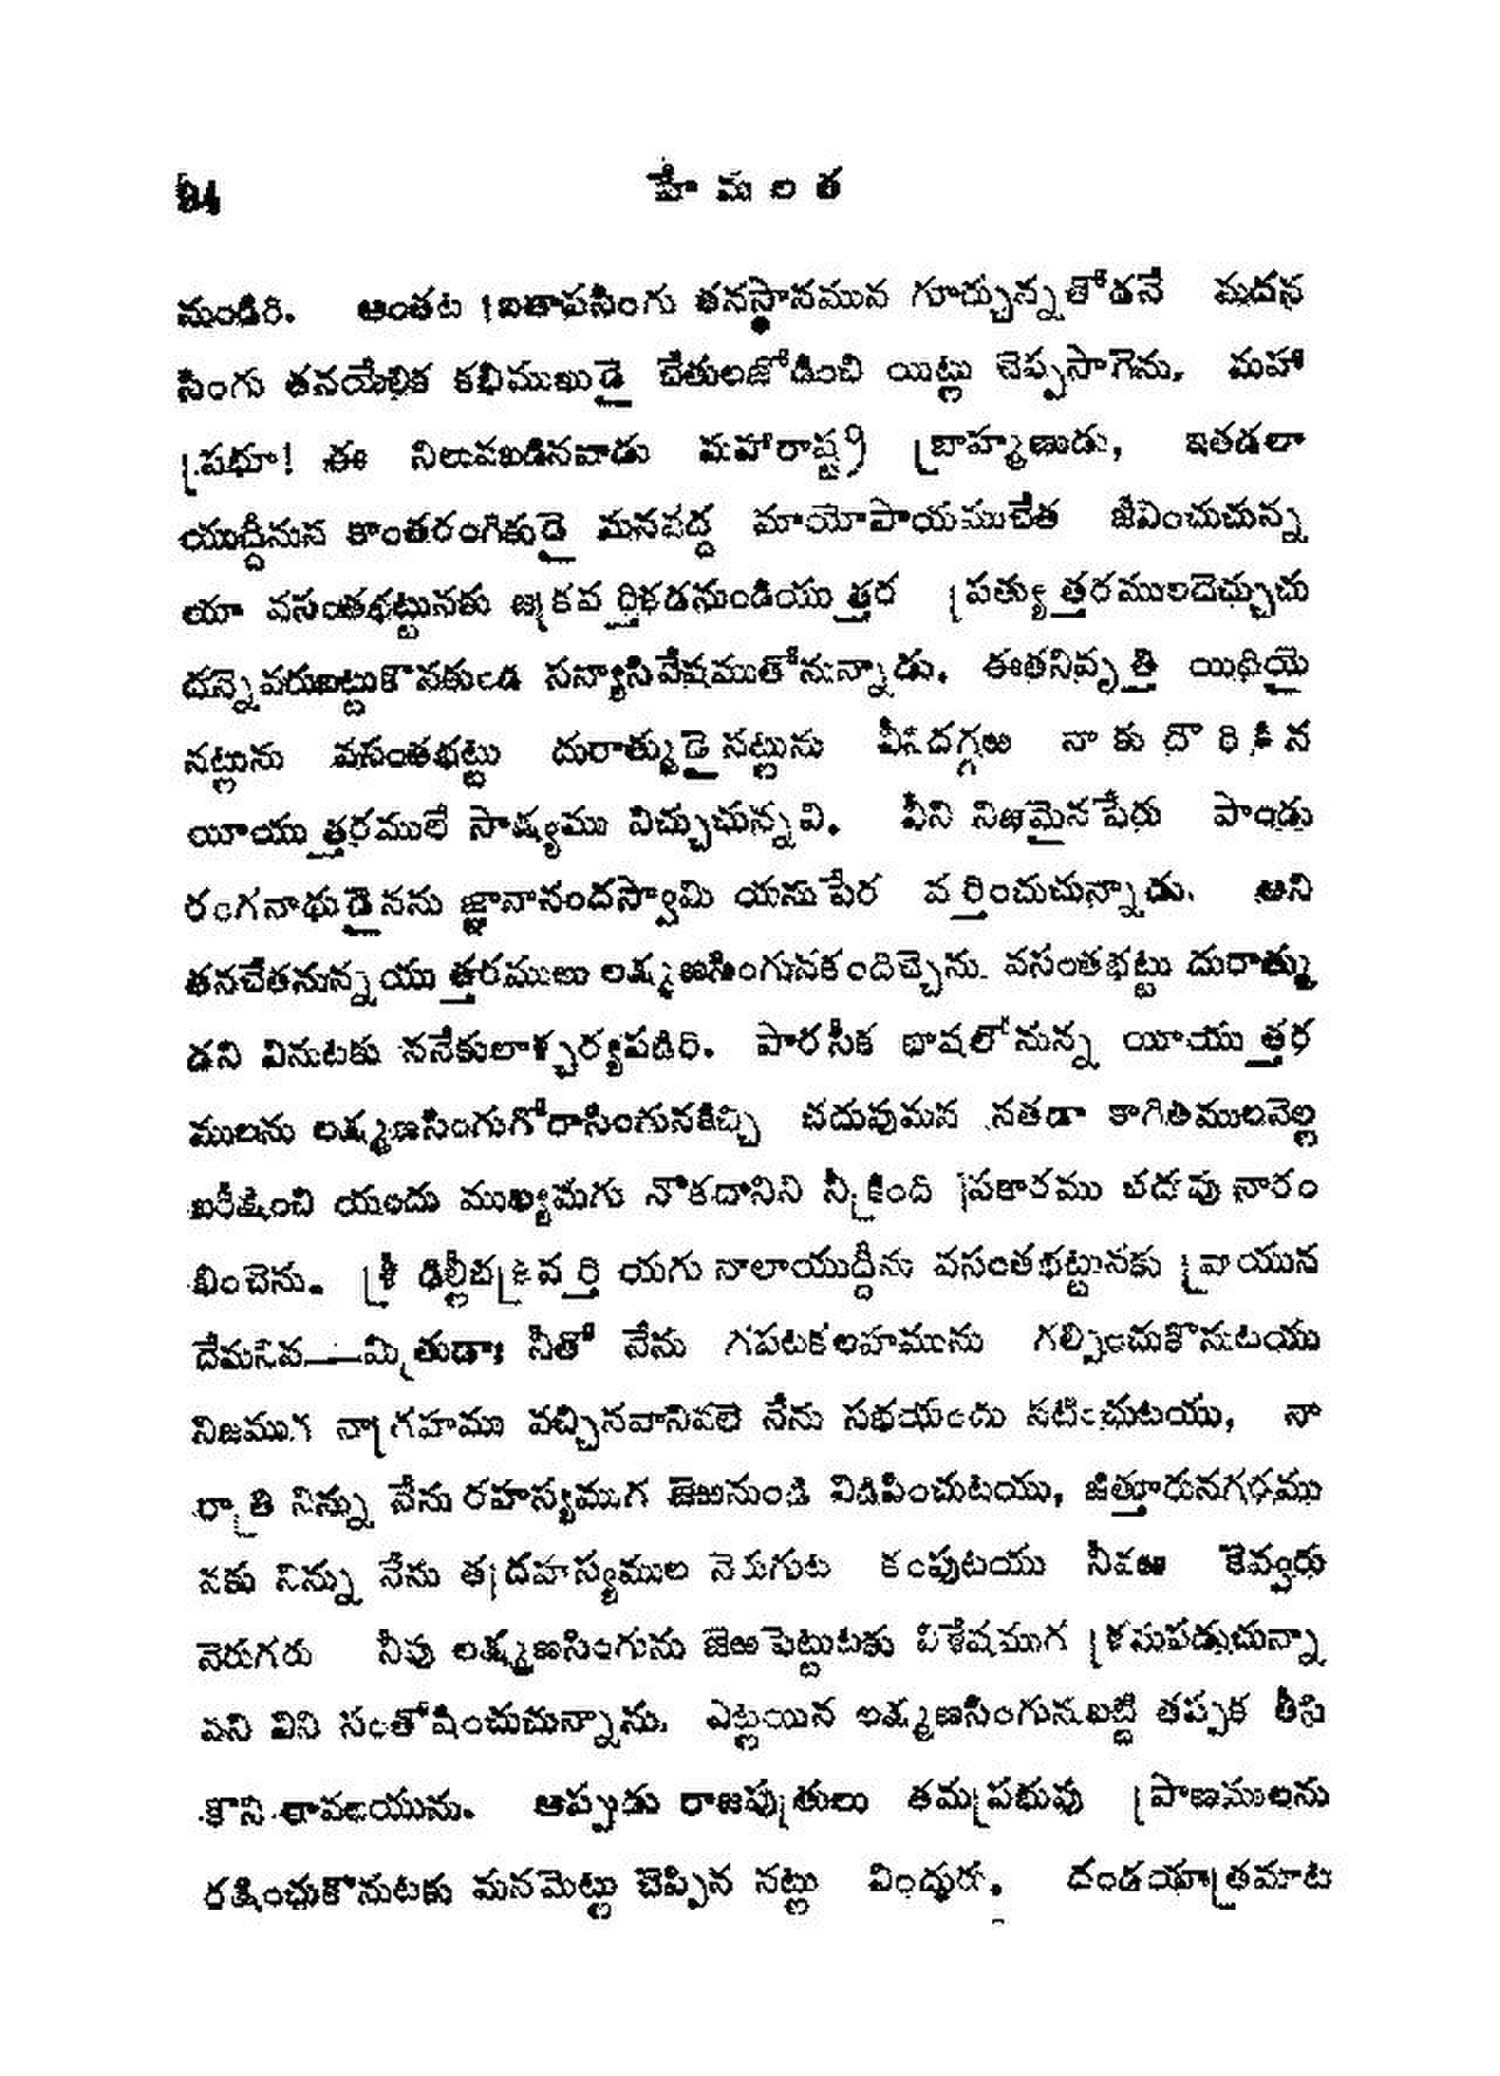నుండిరి. అంతట బ్రతాపసింగు తనస్థానమున గూర్చున్నతోడనే మదనసింగు తనయేలిక కభిముఖమై చేతులుజోడించి యిట్లు చెప్పసాగెను. మహాప్రభూ! ఈ నిలువబడినవాడు మహారాష్ట్ర బ్రాహ్మణుడు, ఇతడలాయుద్దీనున కాంతరంగికుడై మనవద్ద మాయోపాయముచేత జీవించుచున్న యా వసంతభట్టునకు జక్రవర్తికడనుండి యుత్తర ప్రత్యుత్తరములదెచ్చుచు దన్నెవరుబట్టుకొనకుండ సన్యాసివేషముతోనున్నాడు. ఈతనివృత్తి యిదియై నట్లును వసంతభట్టు దురాత్ముడైనట్లును వీనిదగ్గఱ నాకు దొరికిన యీయుత్తరములే సాక్ష్యము నిచ్చుచున్నవి. వీని నిజమైనపేరు పాండురంగనాథుడైనను జ్ఞానానందస్వామి యనుపేర వర్తించు చున్నాడు అని తన చేతనున్న యుత్తరములు లక్షణసింగునకందిచ్చెను. వసంతభట్టు దురాత్ముడని వినుటకు ననేకులాశ్చర్యపడిరి. పారసీక భాషలోనున్న యీయుత్తరములను లక్ష్మణసింగు గోరాసింగునకిచ్చి చదువుమన నతడా కాగితములనెల్ల బరీక్షించి యందు ముఖ్యమగు నొకదానిని నీక్రింది ప్రకారము చదువు నారంభించెను. శ్రీఢిల్లీచక్రవర్తి యగు నాలాయుద్దీను వసంతభట్టునకు వ్రాయునదేమన – మిత్రుడా! నీతో నేను గపటకలహమును గల్పించుకొనుటయు నిజముగ నాగ్రహము వచ్చినవానివలె నేను సభయందు నటించుటయు, నారాత్రి నిన్ను నేను రహస్యముగ జెఱనుండి విడిపించుటయు, జిత్తూరునగరమునకు నిన్ను నేను తద్రహస్యముల నెరుగుట కంపుటయు నీవఱ కెవ్వరును నెరుగరు. నీవు లక్ష్మణసింగును జెఱపెట్టుటకు విశేషముగ శ్రమపడుచున్నావని విని సంతోషించుచున్నాను. ఎట్లయిన లక్ష్మణసింగును బట్టి తప్పక తీసుకొనిరావలయును. అప్పుడు రాజపుత్రులు తమప్రభువు ప్రాణములను రక్షించుకొనుటకు మనమెట్లు చెప్పిన నట్లు విందురు. దండయాత్రమాట